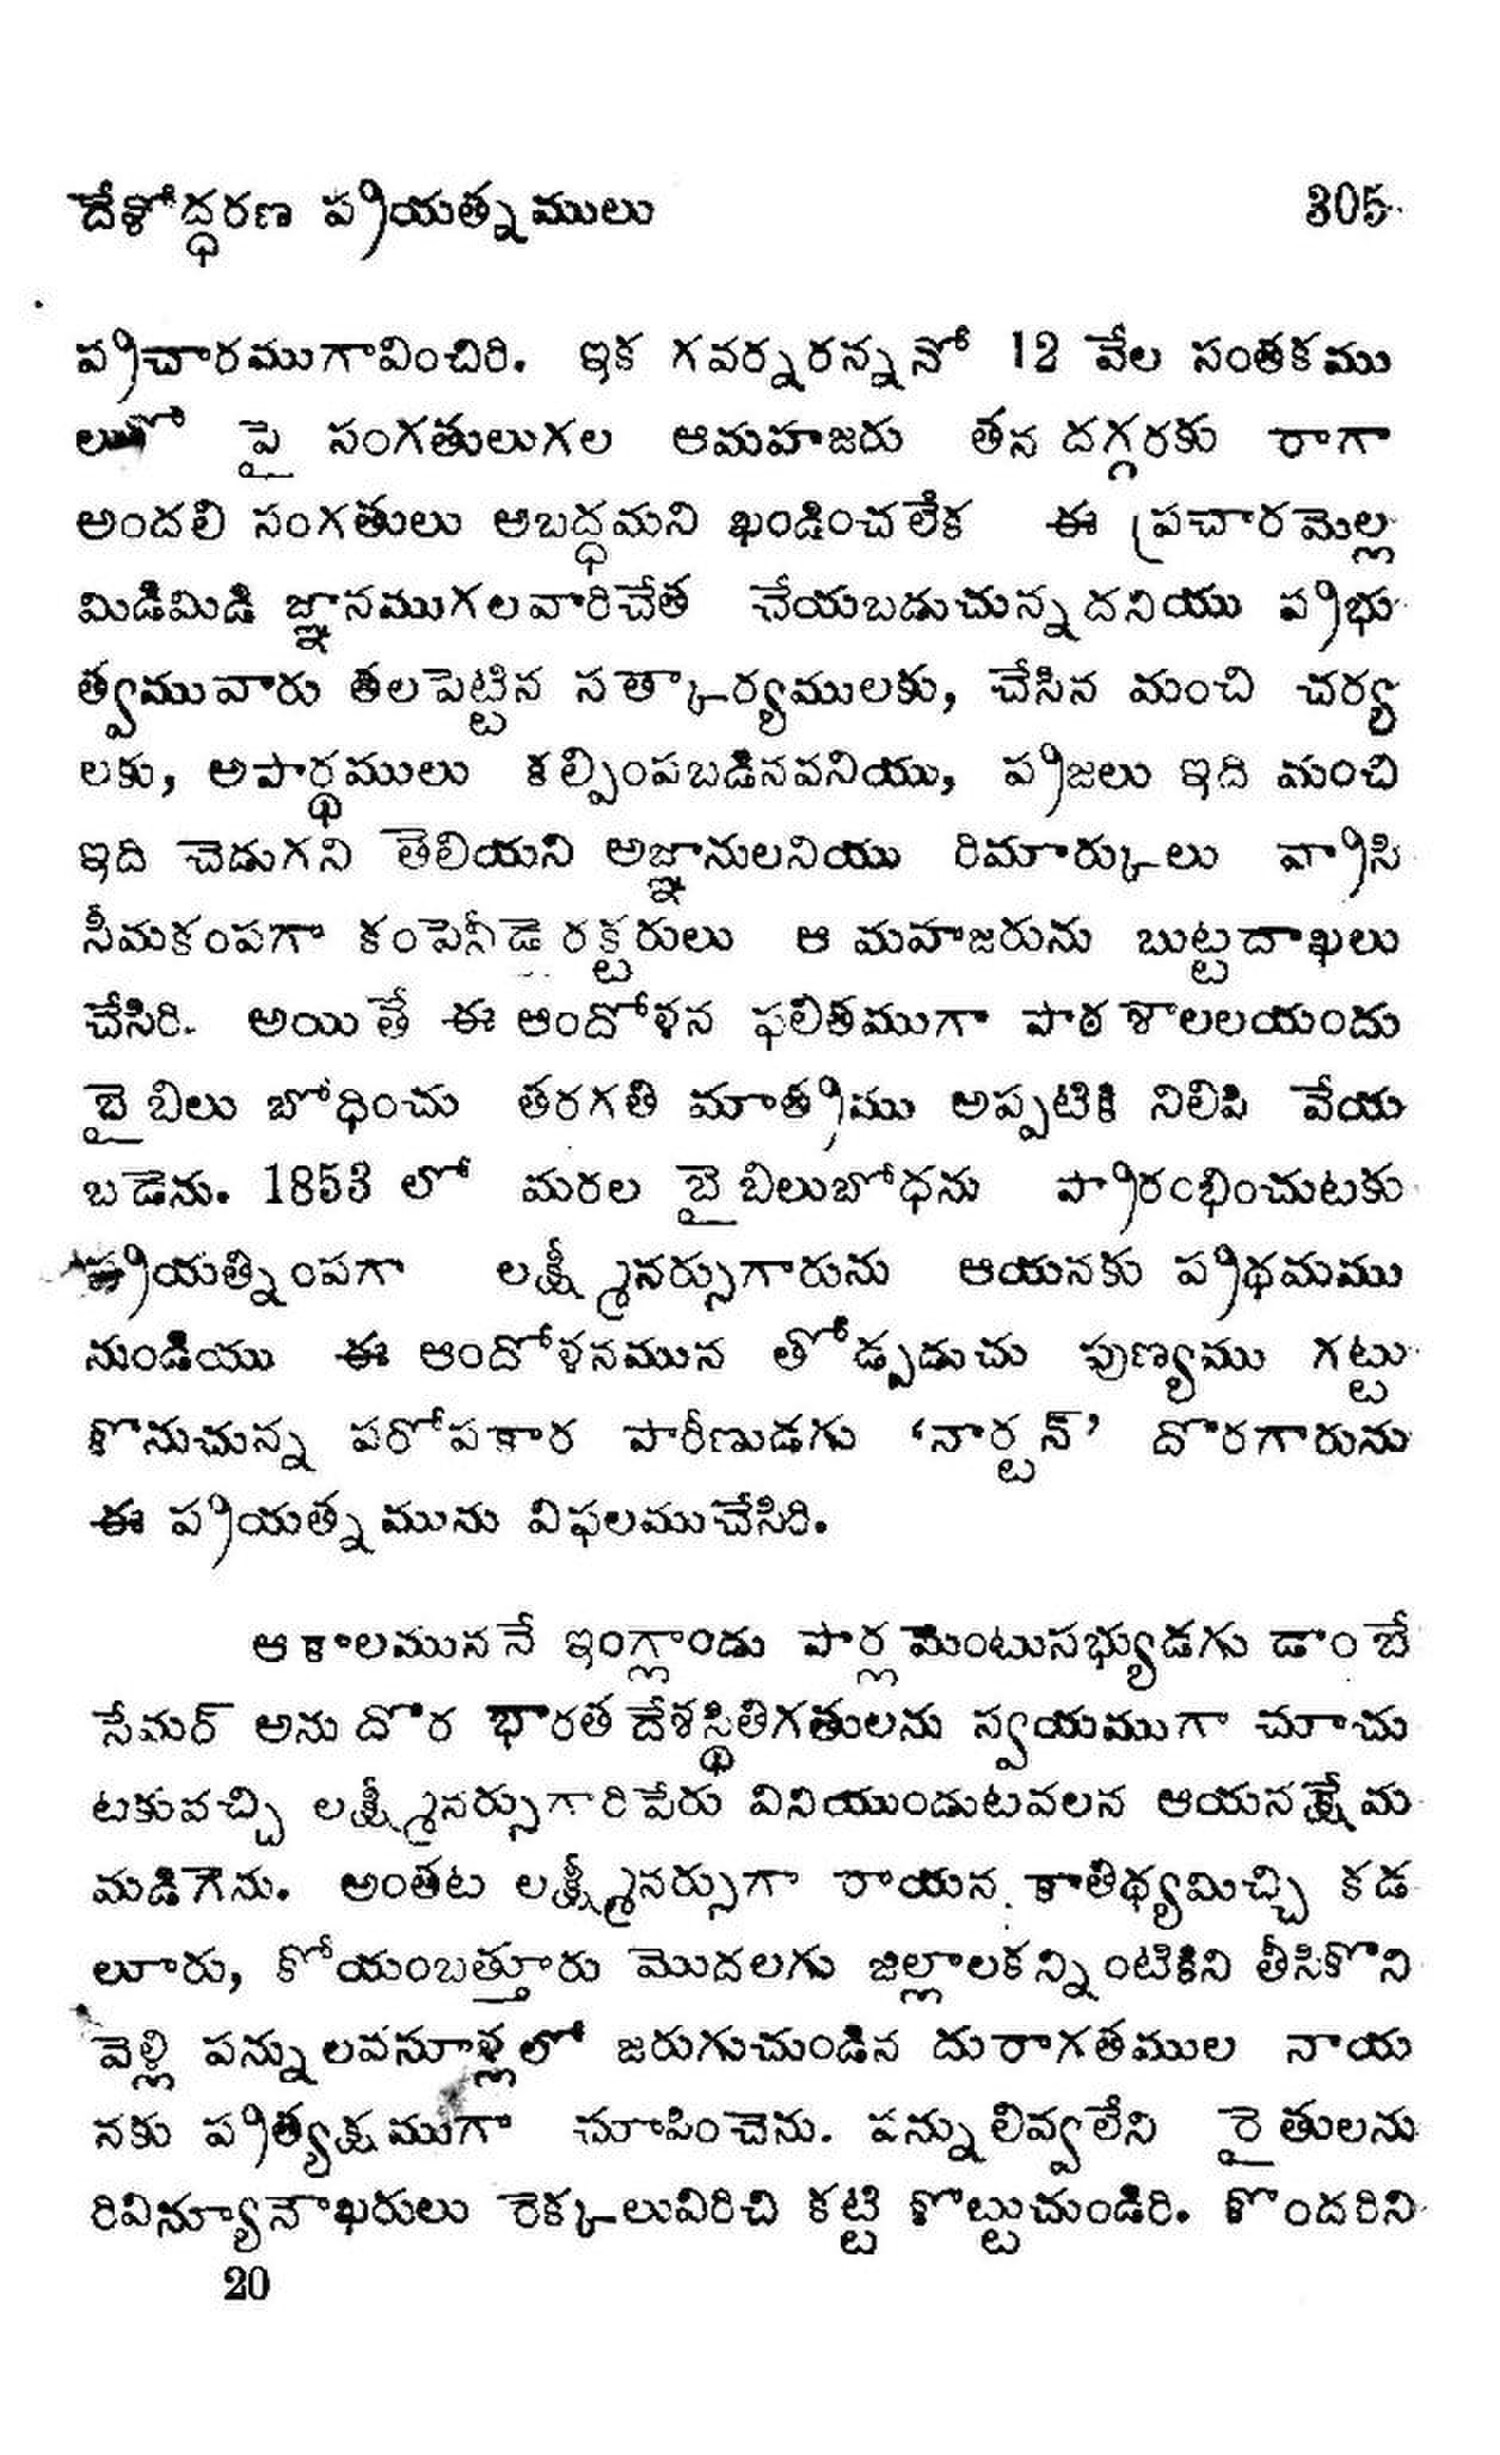ప్రచారముగావించిరి. ఇక గవర్నరన్ననో 12 వేల సంతకములతో పై సంగతులుగల ఆమహజరు తన దగ్గరకు రాగా అందలి సంగతులు అబద్దమని ఖండించలేక ఈ ప్రచారమెల్ల మిడిమిడి జ్ఞానముగలవారిచేత చేయబడుచున్నదనియు ప్రభుత్వమువారు తలపెట్టిన సత్కార్యములకు, చేసిన మంచి చర్యలకు, అపార్ధములు కల్పింపబడినవనియు, ప్రజలు ఇది మంచి ఇది చెడుగని తెలియని అజ్ఞానులనియు రిమార్కులు వ్రాసి సీమకంపగా కంపెనీ డెరక్టరులు ఆ మహజరును బుట్టదాఖలు చేసిరి. అయితే ఈ ఆందోళన ఫలితముగా పాఠశాలలయందు బైబిలు బోధించు తరగతి మాత్రము అప్పటికి నిలిపి వేయబడెను. 1853 లో మరల బైబిలుబోధను ప్రారంభించుటకు ప్రయత్నింపగా లక్ష్మీనర్సుగారును ఆయనకు ప్రథమము నుండియు ఈ ఆందోళనమున తోడ్పడుచు పుణ్యము గట్టుకొనుచున్న పరోపకార పారీణుడగు 'నార్టన్' దొరగారును ఈ ప్రయత్నమును విఫలము చేసిరి.

ఆ కాలముననే ఇంగ్లాండు పార్లమెంటుసభ్యుడగు డాంబే సేమర్ అను దొర భారతదేశస్థితిగతులను స్వయముగా చూచుటకువచ్చి లక్ష్మీనర్సుగారిపేరు వినియుండుటవలన ఆయనక్షేమ మడిగెను. అంతట లక్ష్మీనర్సుగా రాయన, కాతిథ్యమిచ్చి కడలూరు, కోయంబత్తూరు మొదలగు జిల్లాలకన్నింటికిని తీసికొని వెళ్లి పన్నులవసూళ్లలో జరుగుచుండిన దురాగతముల నాయనకు ప్రత్యక్షముగా చూపించెను. పన్నులివ్వలేని రైతులను రివిన్యూనౌఖరులు రెక్కలువిరిచి కట్టి కొట్టుచుండిరి. కొందరిని